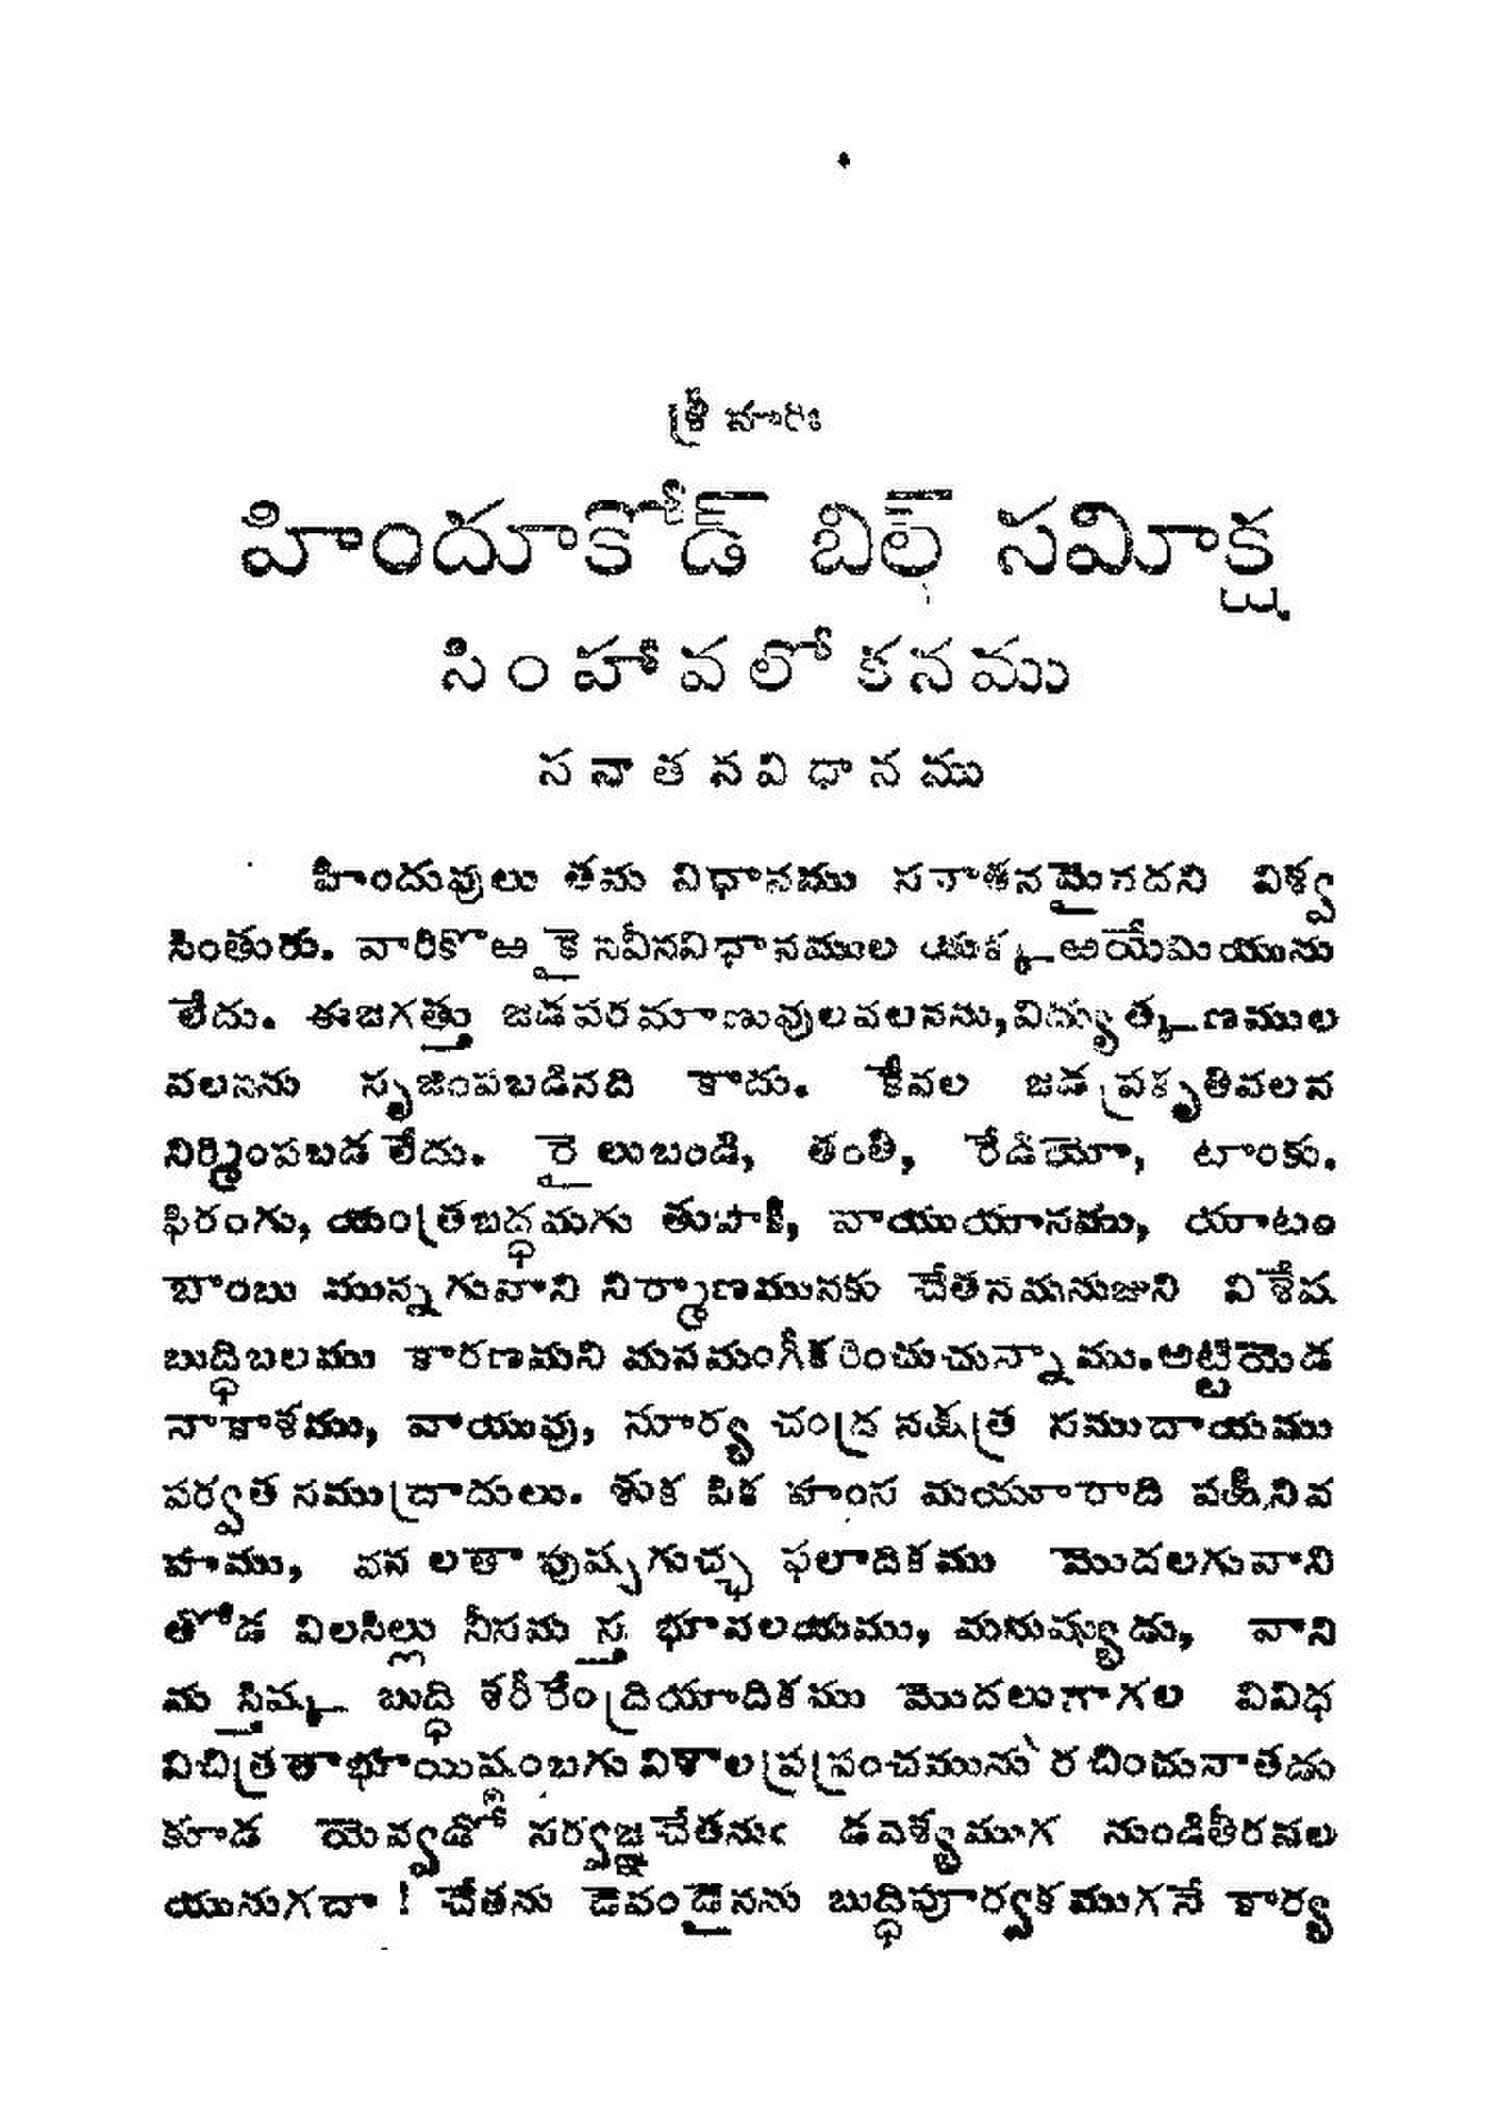హిందువులు తమ విధానము సనాతనమైనదని విశ్వసింతురు. 
వారికొఱకై నవీనవిధానముల యక్కఱయేమియును
లేదు. ఈజగత్తు జడపరమాణువులవలనను, విద్యుత్కణముల 
వలనను సృజింపబడినది కాదు. కేవల జడ ప్రకృతివలన
నిర్మింపబడ లేదు. రైలుబండి, తంతి, రేడియో, టాంకు, 
ఫిరంగు, యంత్రబద్ధమగు తుపాకి, వాయుయానము, యాటం
బాంబు మున్నగువాని నిర్మాణమునకు చేతనమనుజుని విశేష
బుద్ధిబలము కారణమని మనమంగీకరించుచున్నాము. అట్టియెడ
నాకాశము, వాయువు, సూర్య చంద్ర నక్షత్ర సముదాయము
పర్వత సముద్రాదులు. శుక పిక హంస మయూరాది పక్షినివహము, 
వన లతా పుష్పగుచ్ఛ ఫలాదికము మొదలగువాని
తోడ విలసిల్లు నీనమస్త భూవలయము, మనుష్యుడు, వాని
మస్తిష్క బుద్ధి శరీరేంద్రియాదికము మొదలుగా గల వివిధ
విచిత్రతాభూయిష్ఠంబగు విశాల ప్రపంచమును రచించునాతడు
కూడ యెవ్వడో సర్వజ్ఞచేతనుఁ డవశ్యముగ నుండితీరవలయును 
గదా ! చేతను డెవండైనను బుద్ధిపూర్వకముగనే కార్య